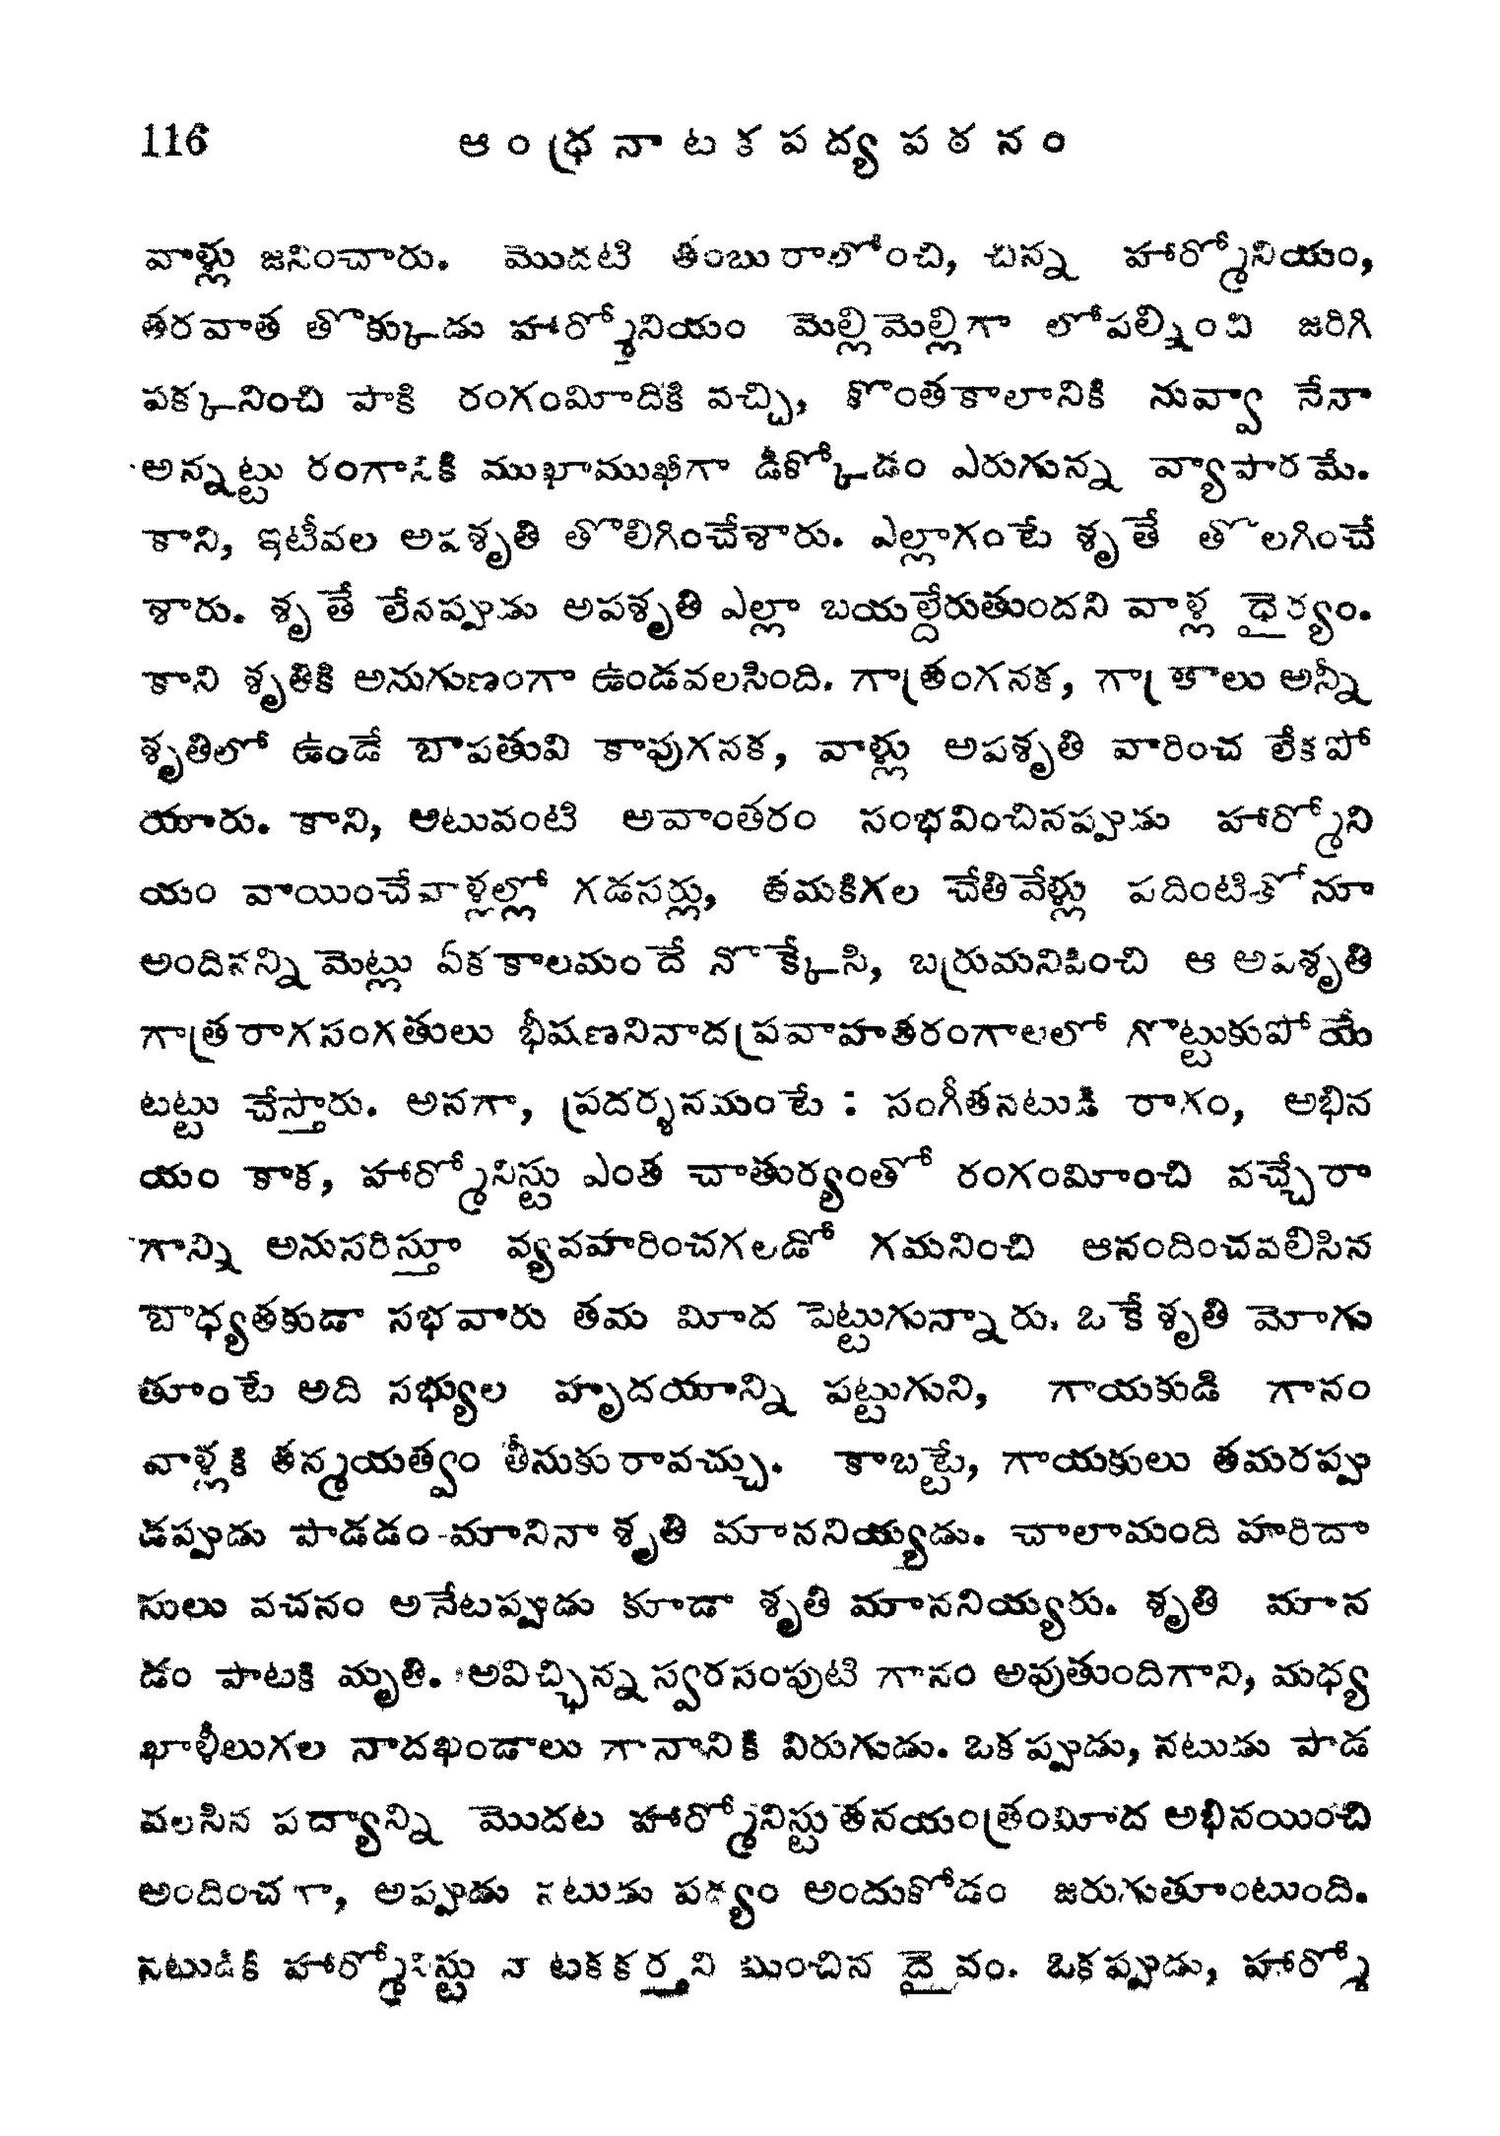వాళ్లు జనించారు. మొదటి తంబురాలోంచి, చిన్న హార్మోనియం,
తరవాత తొక్కుడు హార్మోనియం మెల్లిమెల్లిగా లోపల్నించి జరిగి
పక్కనించి పాకి రంగంమీదికి వచ్చి, కొంతకాలానికి నువ్వా నేనా
అన్నట్టు రంగానికి ముఖాముఖిగా డీక్కోడం ఎరుగున్న వ్యాపారమే.
కాని, ఇటీవల అపశృతి తొలిగించేశారు. ఎల్లాగంటే శృతే తొలగించే
శారు. శృతే లేనప్పుడు అపశృతి ఎల్లా బయల్దేరుతుందని వాళ్ల ధైర్యం.
కాని శృతికి అనుగుణంగా ఉండవలసింది. గాత్రంగనక, గాత్రాలు అన్నీ
శృతిలో ఉండే బాపతువి కావుగనక, వాళ్లు అపశృతి వారించ లేకపో
యారు. కాని, అటువంటి అవాంతరం సంభవించినప్పుడు హార్మోని
యం వాయించేవాళ్లల్లో గడసర్లు, తమకిగల చేతివేళ్లు పదింటితోనూ
అందినన్ని మెట్లు ఏకకాలమందే నొక్కేసి, బర్రుమనిపించి ఆ అపశృతి
గాత్రరాగసంగతులు భీషణనినాదప్రవాహతరంగాలలో గొట్టుకుపోయే
టట్టు చేస్తారు. అనగా, ప్రదర్శనమంటే : సంగీతనటుడి రాగం, అభిన
యం కాక, హార్మోనిస్టు ఎంత చాతుర్యంతో రంగంమీంచి వచ్చేరా
గాన్ని అనుసరిస్తూ వ్యవహరించగలడో గమనించి ఆనందించవలిసిన
బాధ్యతకుడా సభవారు తమ మీద పెట్టుగున్నారు. ఒకే శృతి మోగు
తూంటే అది సభ్యుల హృదయాన్ని పట్టుగుని, గాయకుడి గానం
వాళ్లకి తన్మయత్వం తీసుకురావచ్చు. కాబట్టే, గాయకులు తమరప్పు
డప్పుడు పాడడం మానినాశృతి మాననియ్యడు. చాలామంది హరిదా
సులు వచనం అనేటప్పుడు కూడా శృతి మాననియ్యరు. శృతి మాన
డం పాటకి మృతి, అవిచ్ఛిన్న స్వరసంపుటి గానం అవుతుందిగాని, మధ్య
ఖాళీలుగల నాదఖండాలు గానానికి విరుగుడు. ఒకప్పుడు, నటుడు పాడ
వలసిన పద్యాన్ని మొదట హార్మోనిస్టు తనయంత్రంమీద అభినయించి
అందించగా, అప్పుడు నటుడు పద్యం అందుకోడం జరుగుతూంటుంది.
నటుడికి హార్మోనిస్టు నాటకకర్తని మించిన దైవం. ఒకప్పుడు, హార్మో